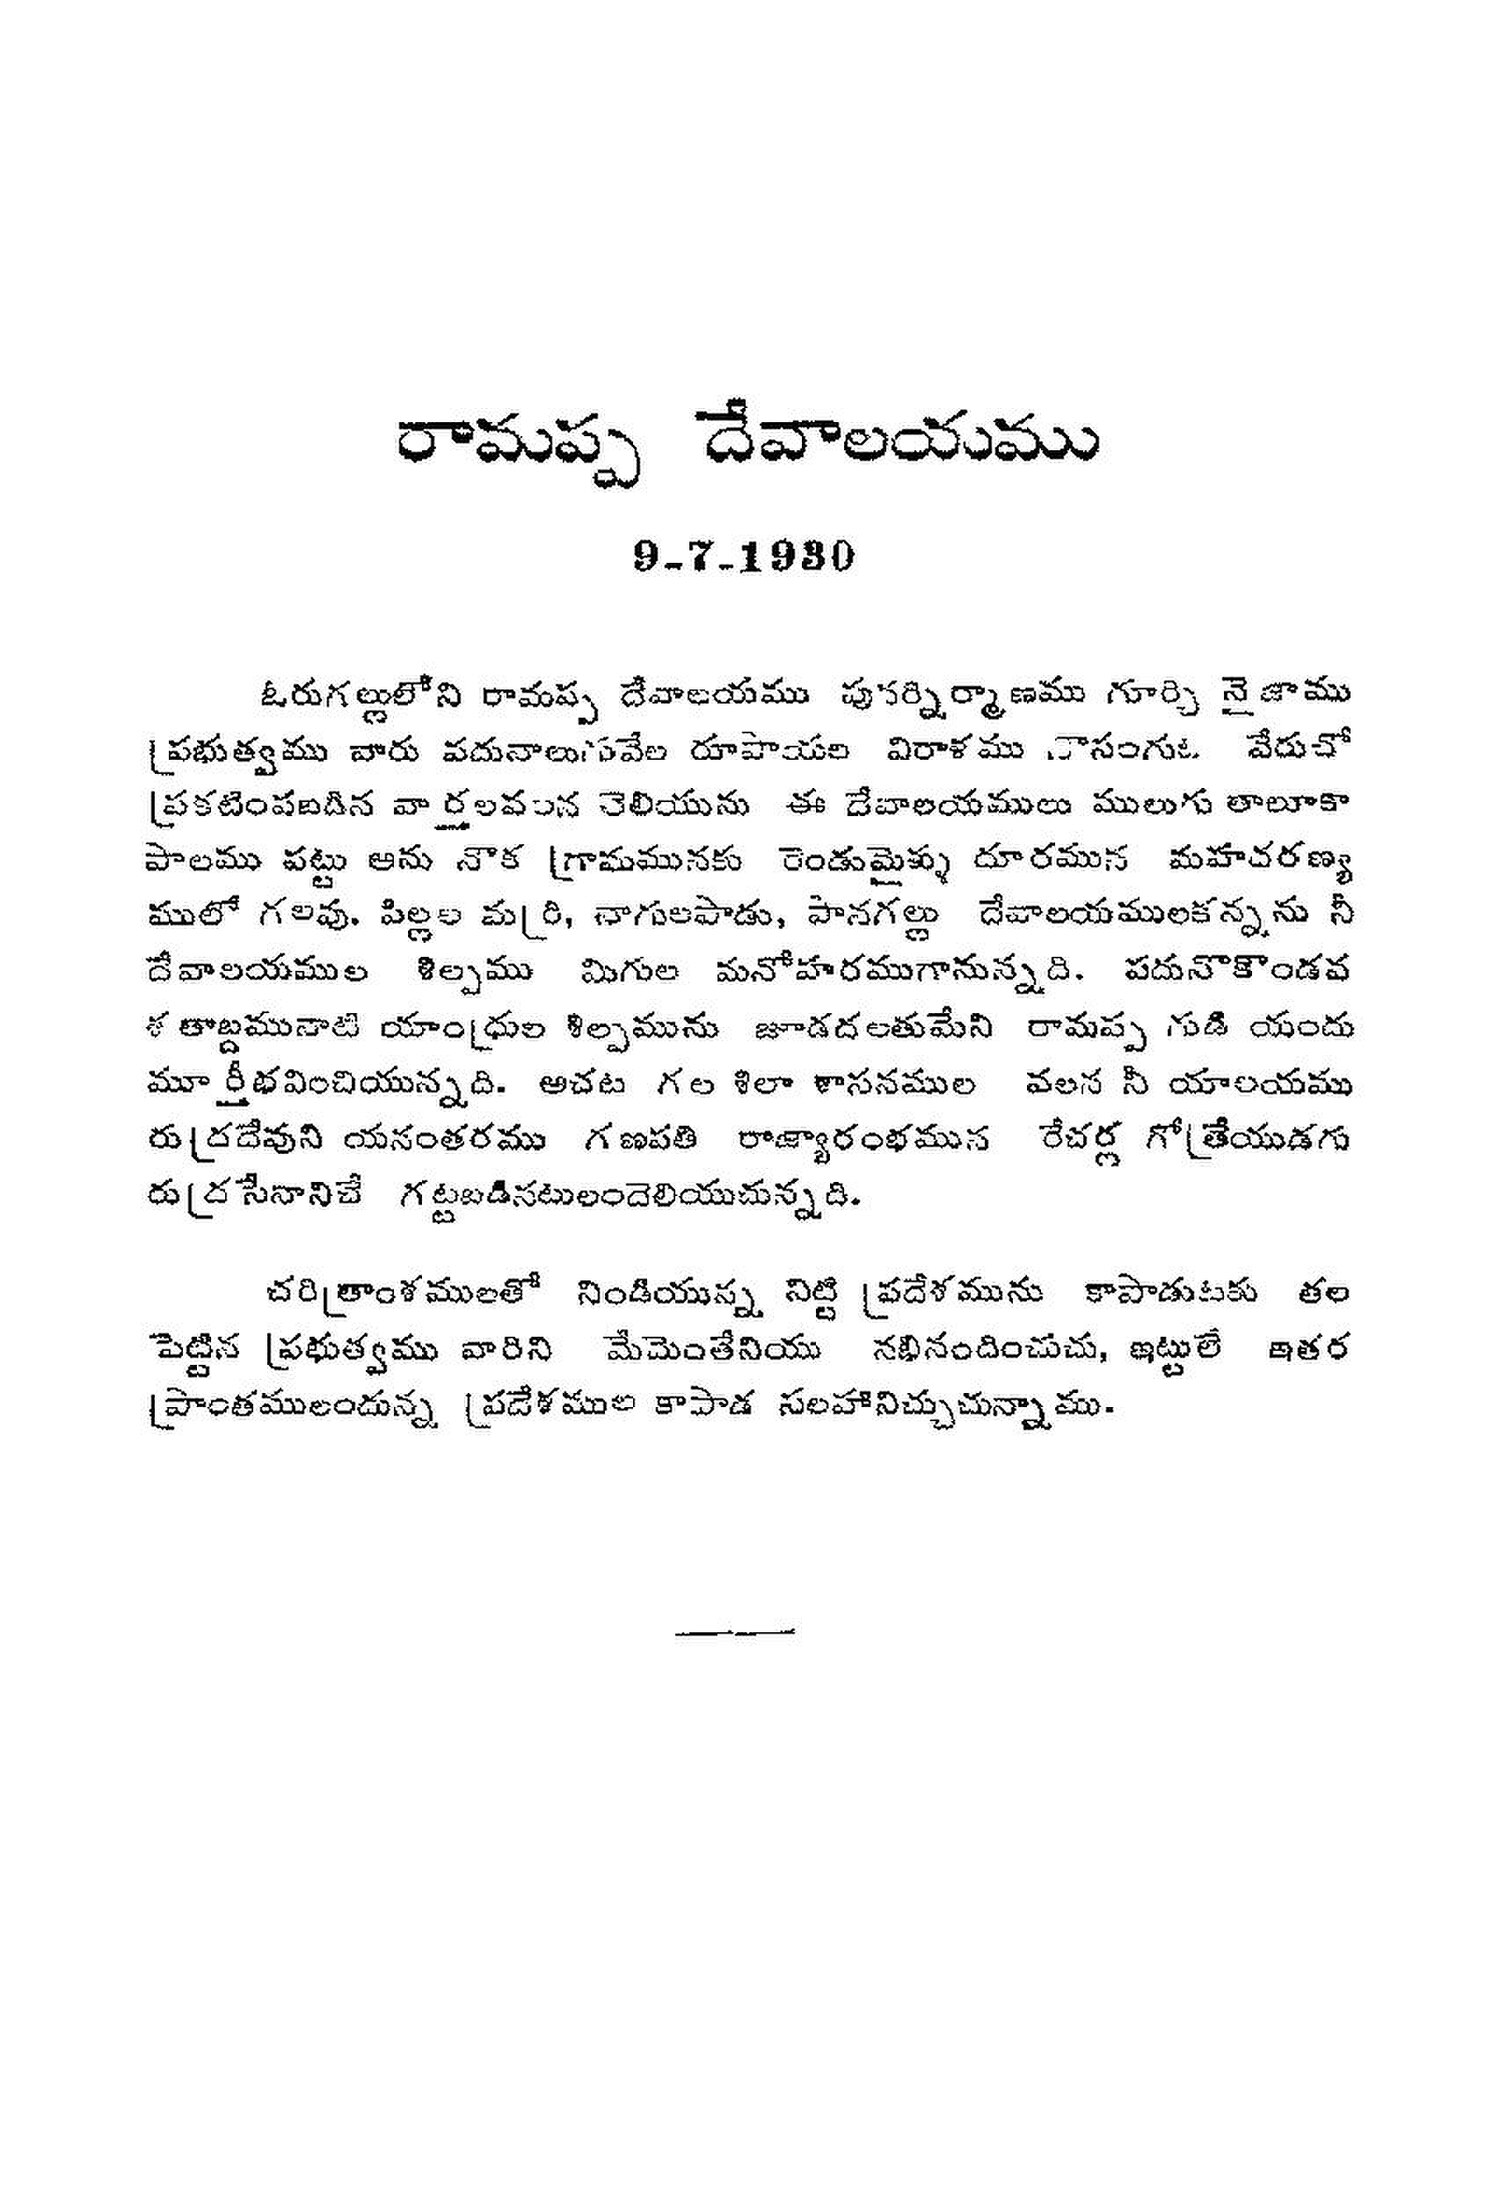రామప్ప దేవాలయము

9-7-1930

ఓరుగల్లులోని రామప్ప దేవాలయము పునర్నిర్మాణము గూర్చి నైజాము ప్రభుత్వము వారు పదునాలుగువేల రూపాయల విరాళము నొసంగుట వేరుచో ప్రకటింపబడిన వార్తలవలన తెలియును ఈ దేవాలయములు ములుగు తాలూకా పాలము పట్టు అను నొక గ్రామమునకు రెండుమైళ్ళు దూరమున మహదరణ్యములో గలవు. పిల్లల మర్రి, నాగులపాడు, పానగల్లు దేవాలయములకన్నను నీ దేవాలయముల శిల్పము మిగుల మనోహరముగానున్నది. పదునొకొండవ శతాబ్దమునాటి యాంధ్రుల శిల్పమును జూడదలతుమేని రామప్ప గుడి యందు మూర్తీభవించియున్నది. అచట గల శిలా శాసనముల వలస నీ యాలయము రుద్రదేవుని యనంతరము గణపతి రాజ్యారంభమున రేచర్ల గోత్రేయుడగు రుద్రసేనానిచే గట్టబడినటులందెలియుచున్నది.

చరిత్రాంశములతో నిండియున్న నిట్టి ప్రదేశమును కాపాడుటకు తలపెట్టిన ప్రభుత్వము వారిని మేమెంతేనియు నభినందించుచు, ఇట్టులే ఇతర ప్రాంతములందున్న ప్రదేశముల కాపాడ సలహానిచ్చుచున్నాము.